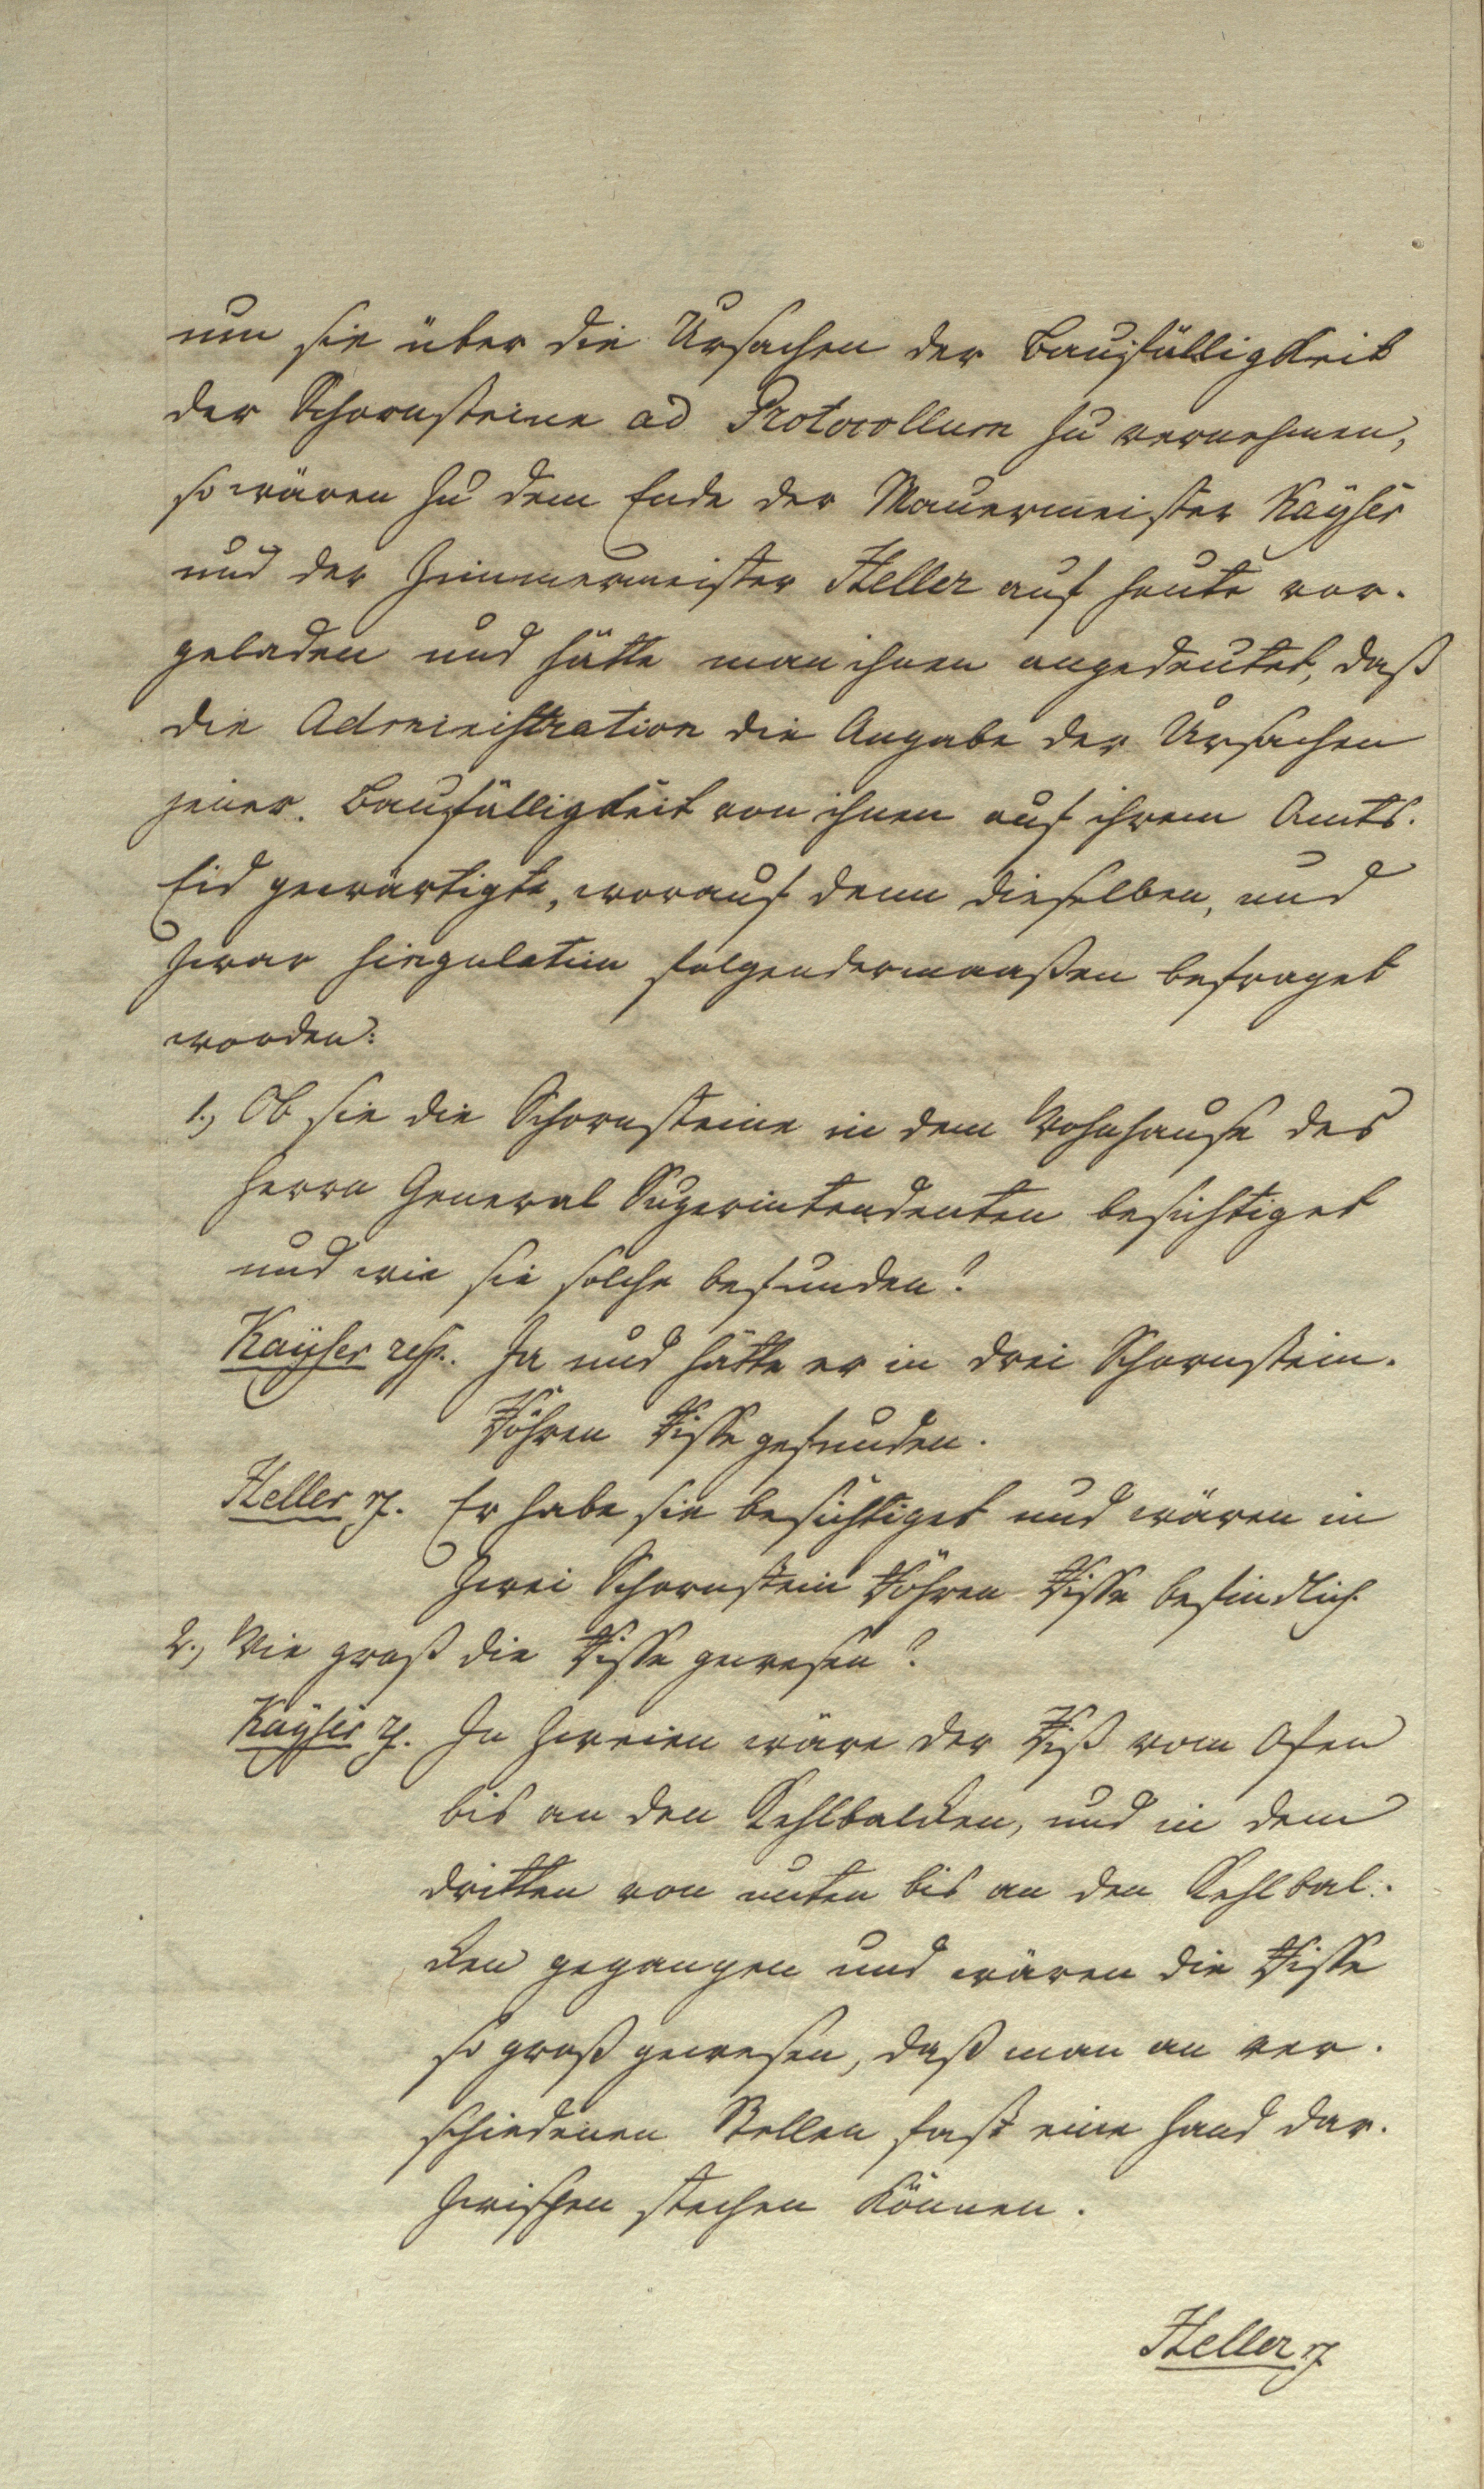um sie über die Ursachen der Baufälligkeit
der Schornsteine ad Protocollum zu vernehmen,
so wären zu dem Ende der Mauermeister Kaÿser
und der Zimmermeister Heller auf heute vor¬
geladen und hätte man ihnen angedeutet, daß
die Administration die Angabe der Ursachen
jener Baufälligkeit von ihnen auf ihrem Amts¬
Eid gewärtigte, worauf denn dieselben, und
zwar singulatim folgendermaaßen befraget
worden:
1., Ob sie die Schornsteine in dem Wohnhause des
Herrn General Superintendenten besichtiget
und wie sie solche befunden?
Kaÿser ref. Ja und hätte er in drei Schornstein¬
Röhren Risse gefunden.
Heller rf. Er habe sie besichtiget und wären in
zwei Schornstein Röhren Risse befindlich
2., Wie groß die Risse gewesen?
Kaÿser. rf.. In zweien wäre der Riß vom Ofen
bis an den Kehlbalcken, und in dem
dritten von unten bis an den Kehlbal¬
ken gegangen und wären die Risse
so groß gewesen, daß man an ver¬
schiedenen Stellen fast eine Hand dar¬
zwischen stechen können.
Heller rf